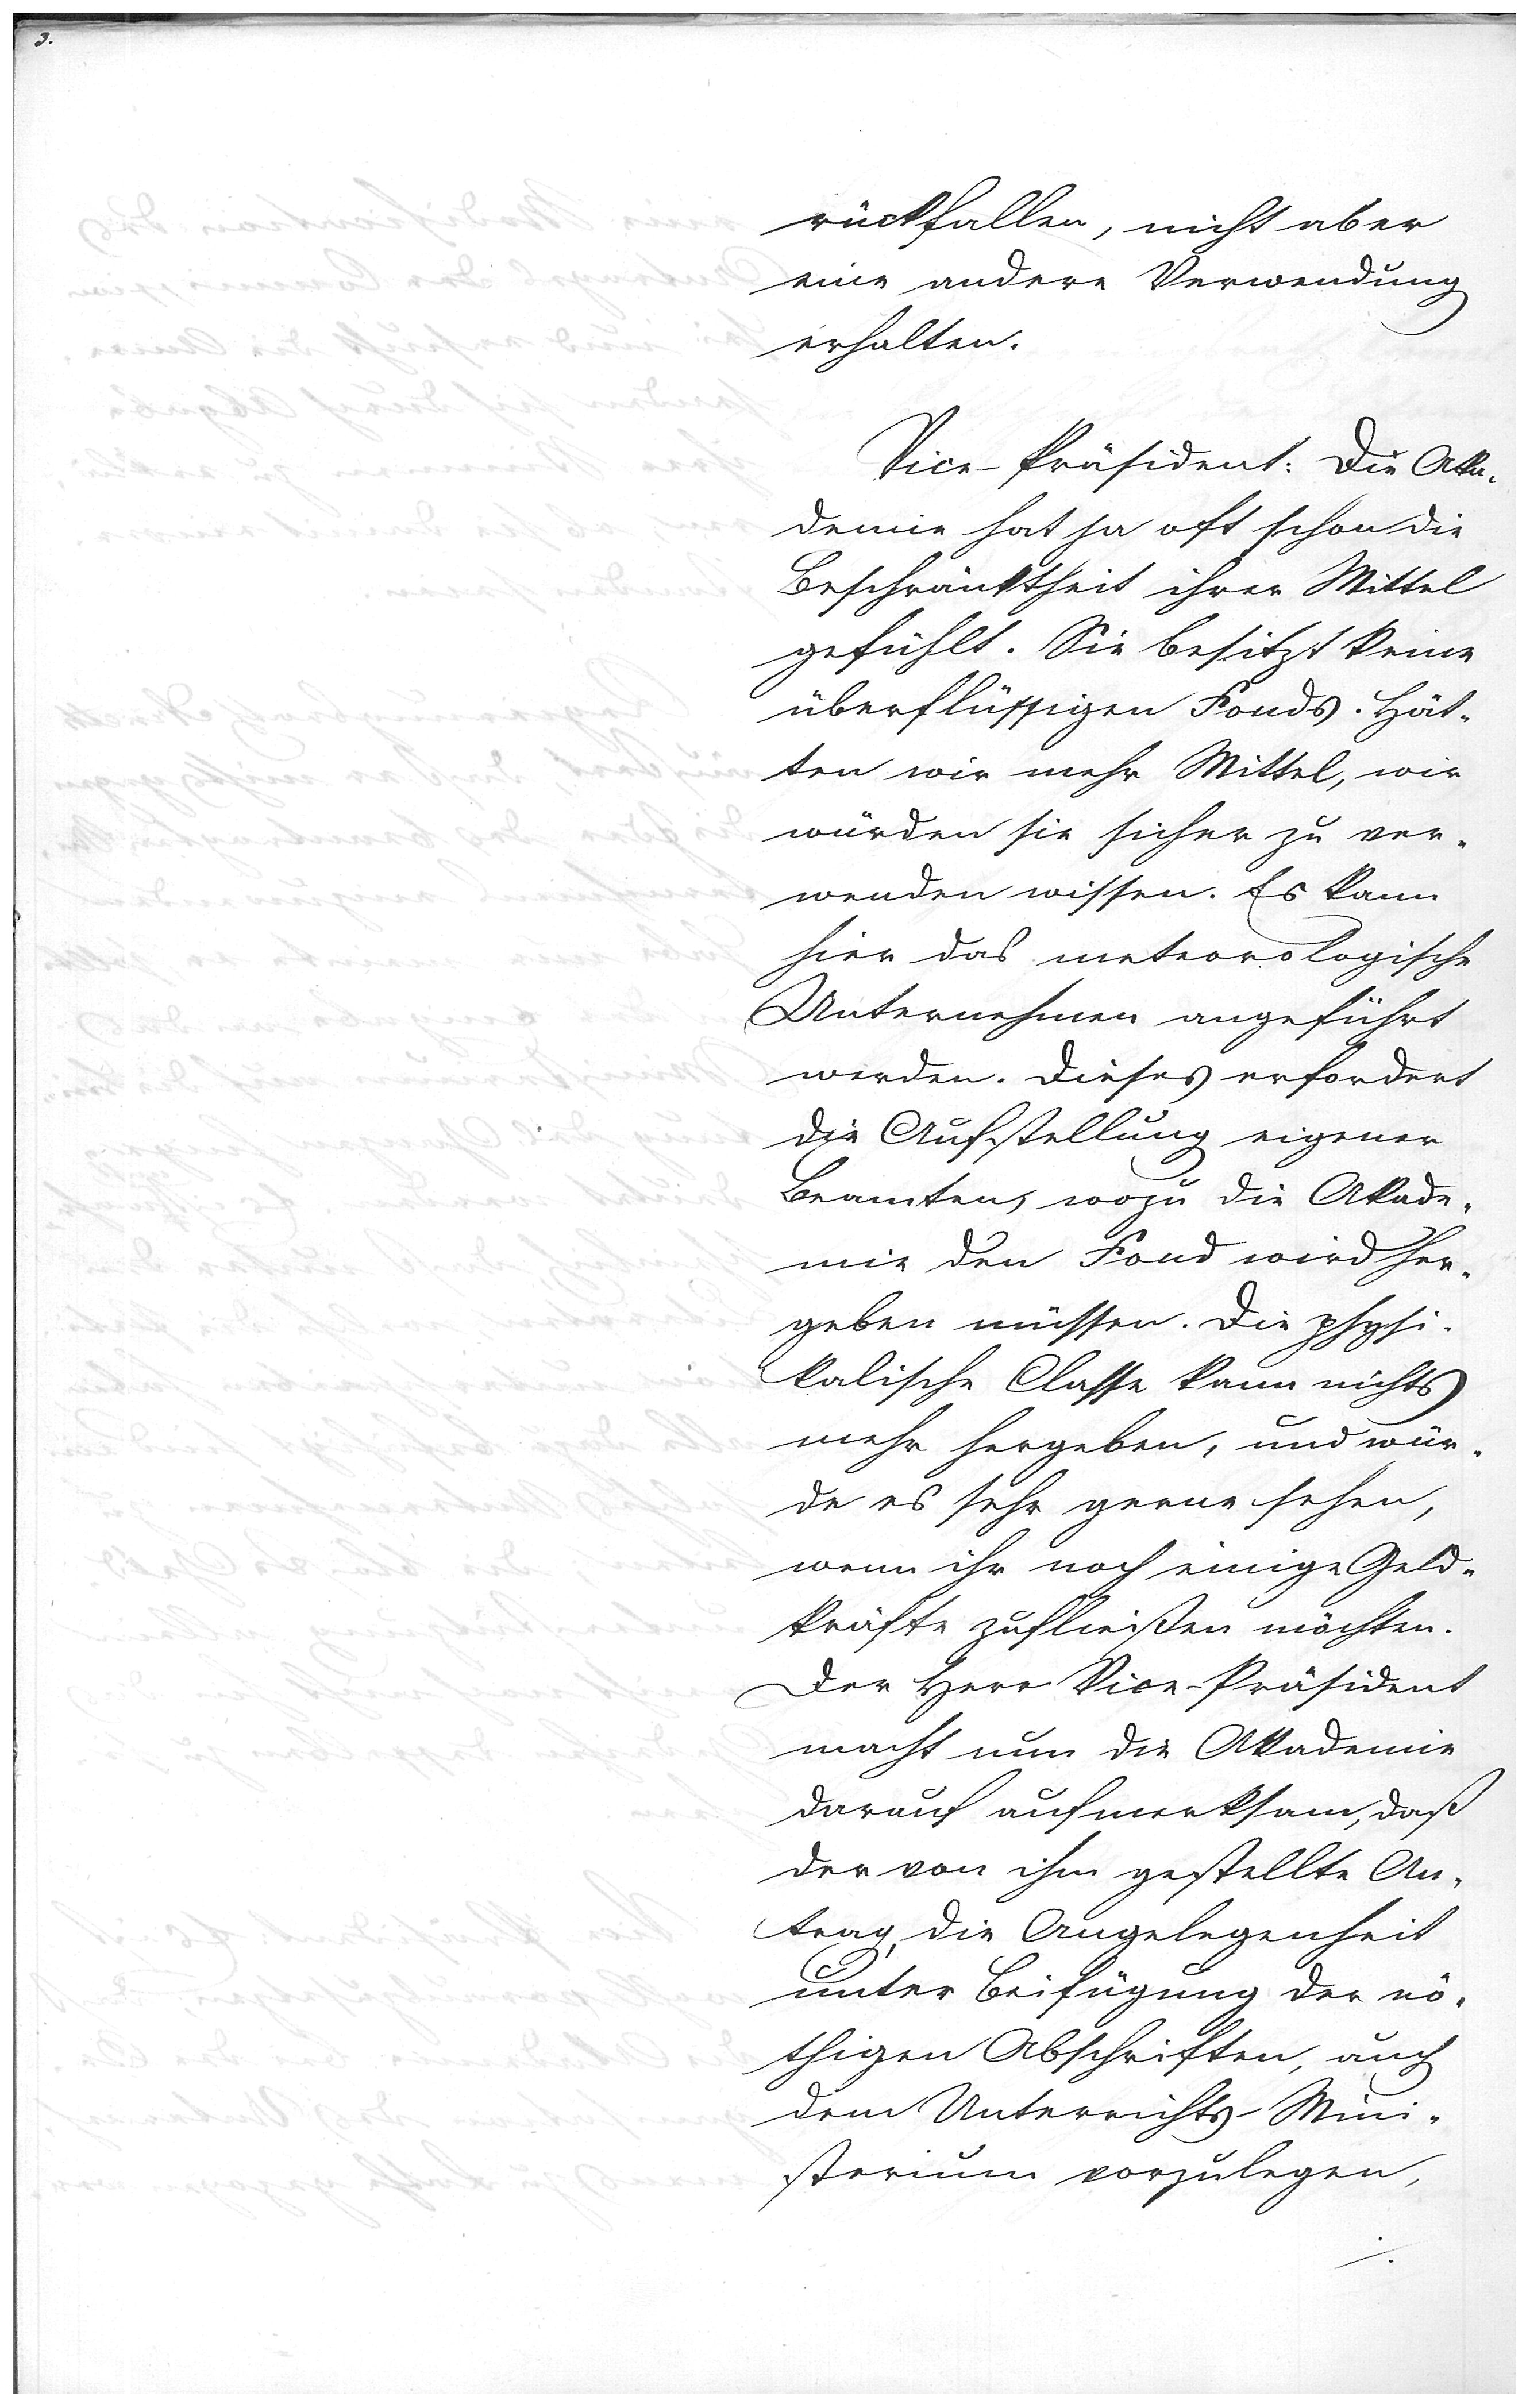rückfallen, nicht aber
eine andere Verwendung
erhalten.
Vice-Präsident: Die Aka-
demie hat ja oft schon die
Beschränktheit ihrer Mittel
gefühlt. Sie besitzt keine
überflüssigen Fonds. Hät-
ten wir mehr Mittel, wir
wurden sie sicher zu ver
wenden wissen. Es kann
hier das meteorologische
Unternehmen angeführt
werden. Dieses erfordert
die Aufstellung eigener
Beamten, wozu die Akade-
mie den Fond wird her-
geben müssen. Die physi-
kalische Classe kann nichts
mehr hergeben, und wür-
de es sehr gerne sehen,
wenn ihr noch einige Geld-
kräfte zufließen möchten.
Der Herrn Vice-Präsident
macht nun die Akademie
darauf aufmerksam, daß
der von ihm gestellte An-
trag die Angelegenheit
unter Beifügung der nö-
thigen Abschriften, auch
dem Unterrichts-Mini-
sterium vorzulegen,